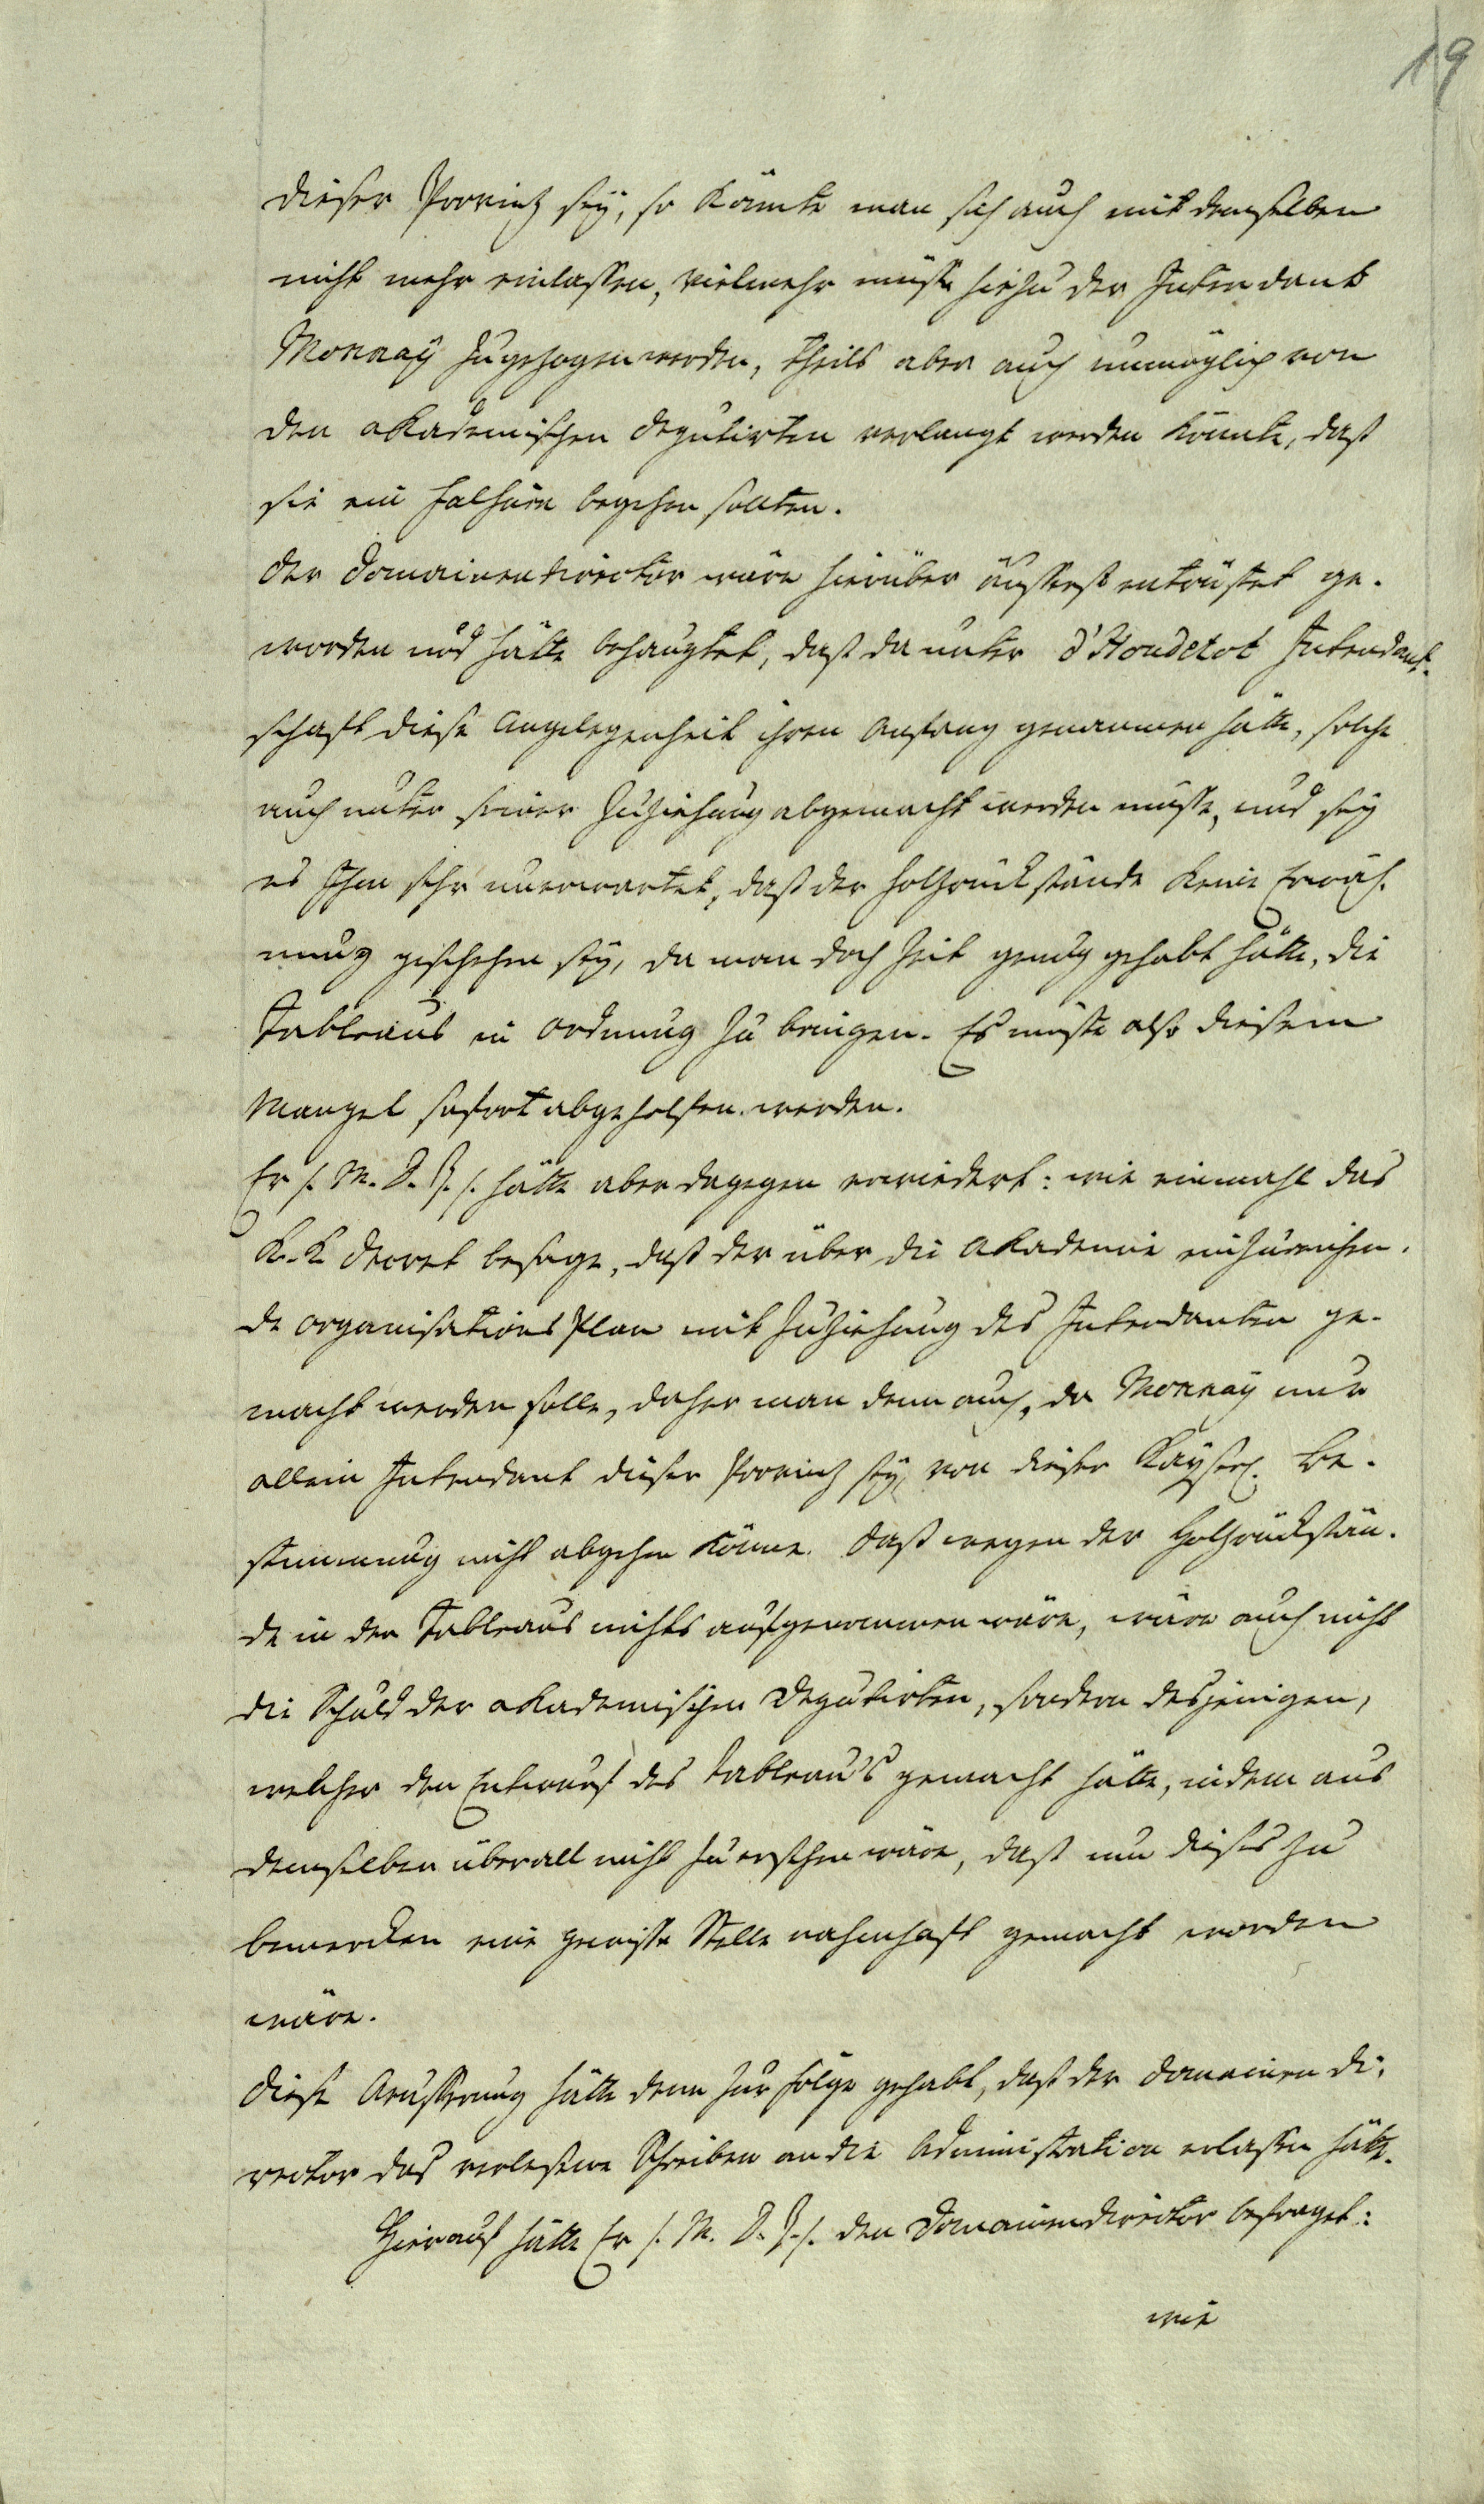dieser Provinz seÿ, so könnte man sich auch mit demselben
nicht mehr einlassen, vielmehr müsse hiezu der Intendant
Monnaÿ zugezogen werden, theils aber auch unmöglich von
den akademischen Deputirten verlangt werden könnte, daß
sie ein Falsum begehen sollten.
Der Domainendirector wäre hierüber äusserst entrüstet ge¬
worden und hätte behauptet, daß da unter d' Hondetot Intendant¬
schaft diese Angelegenheit ihren Anfang genommen hätte, solche
auch unter seiner Zuziehung abgemacht werden müsse, und seÿ
es Ihm sehr unerwartet, daß der Holzrückstände keine Erwäh¬
nung geschehen seÿ, da man doch Zeit genug gehabt hätte, die
Tableaus in Ordnung zu bringen. Es müste also diesem
Mangel sofort abgeholfen, werden.
Er /. M. D. R./. hätte aber dagegen erwiedert: wie einmahl das
K. K. Decret besage, daß der über die Akademie einzureichen¬
de organisations Plan mit Zuziehung des Intendanten ge¬
macht werden solle, daher man denn auch, da Monnaÿ nur
allein Intendant dieser Provinz seÿ, von dieser Kaÿserl. Be¬
stimmung nicht abgehen könne. daß wegen der Holzrückstän¬
de in den Tableaus nichts aufgenommen wäre, wäre auch nicht
die Schuld der akademischen Deputirten, sondern desjenigen,
welcher den Entwurf des Tableau s gemacht habe, indem aus
demselben überall nicht zu ersehen wäre, daß um dieses zu
bemercken eine gewisse Stelle nahmhaft gemacht worden
wäre.
Diese Aeusserung hätte denn zur Folge gehabt, daß der Domainendi¬
rector das verlesene Schreiben an die Administration erlassen hätte.
Hierauf hätte Er /. M. D. R./. den Domainendirector befraget,
wie